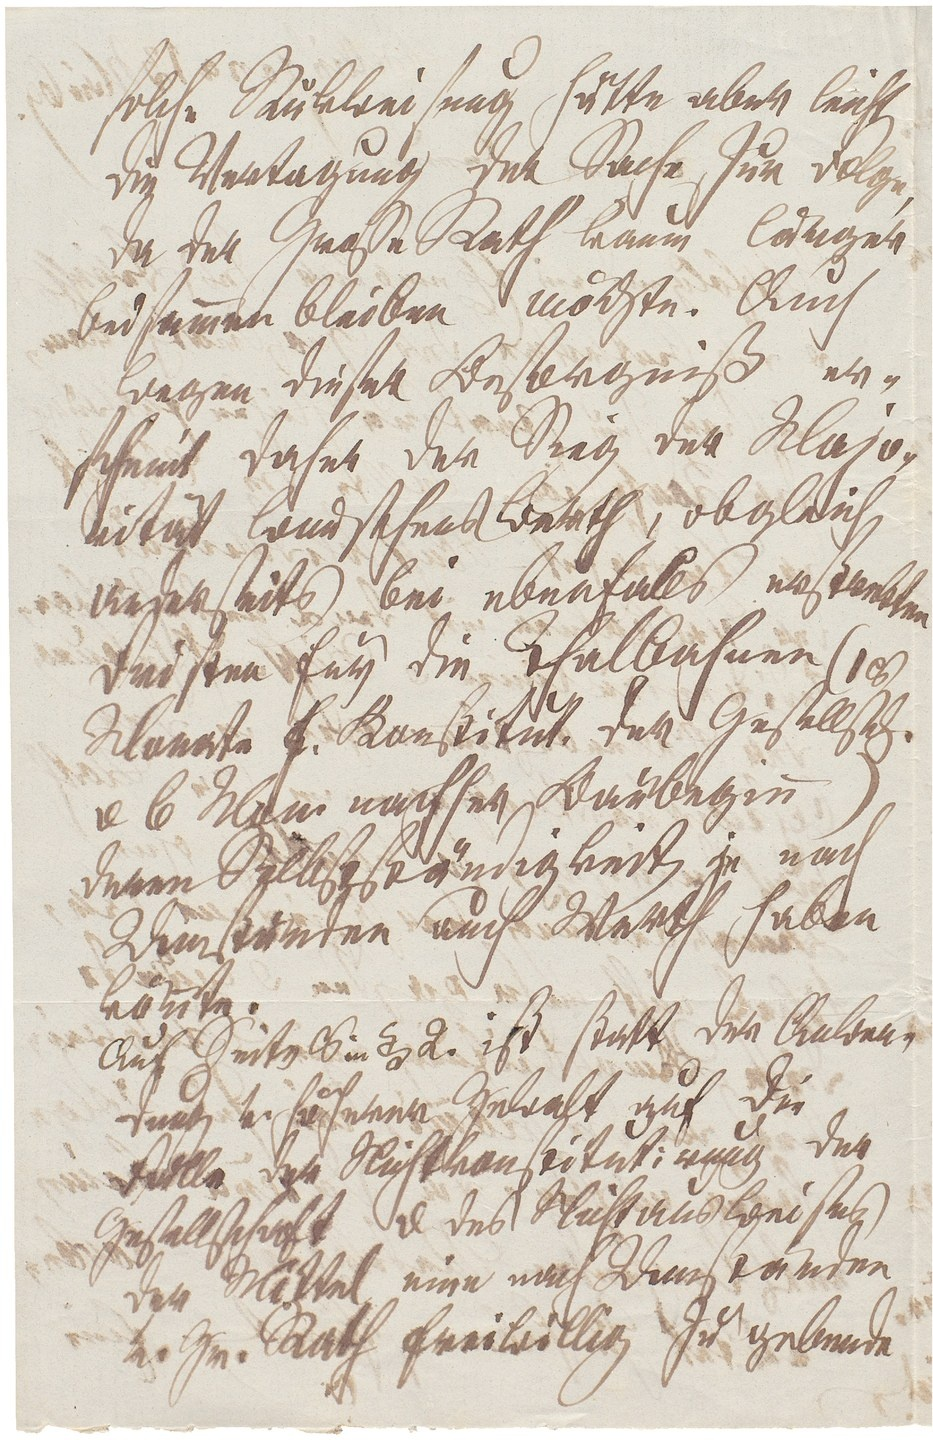solche Rükweisung hätte aber leicht
die Vertagung der Sache zur Folge,
da der Grosse Rath kaum länger
beisammen bleiben möchte. Auch
wegen dieser Besorgniß er-
scheint daher der Sieg der Majo-
rität wünschenswerth, obgleich
anderseits bei ebenfalls erstrekten
Fristen für die Thalbahnen (18
Monate f. Konstitut. der Gesellsch.
& 6 Mon. nachher Baubeginn)
deren Selbstständigkeit je nach
Umständen auch Werth haben
könnte.
Auf Seite 8 in § 2. ist statt der Anwen-
dung v. höherer Gewalt auf die
Fälle der Nichtkonstitutirung der
Gesellschaft & des Nichtausweises
der Mittel eine nach Umständen
v. Gr. Rath freiwillig zu gebende